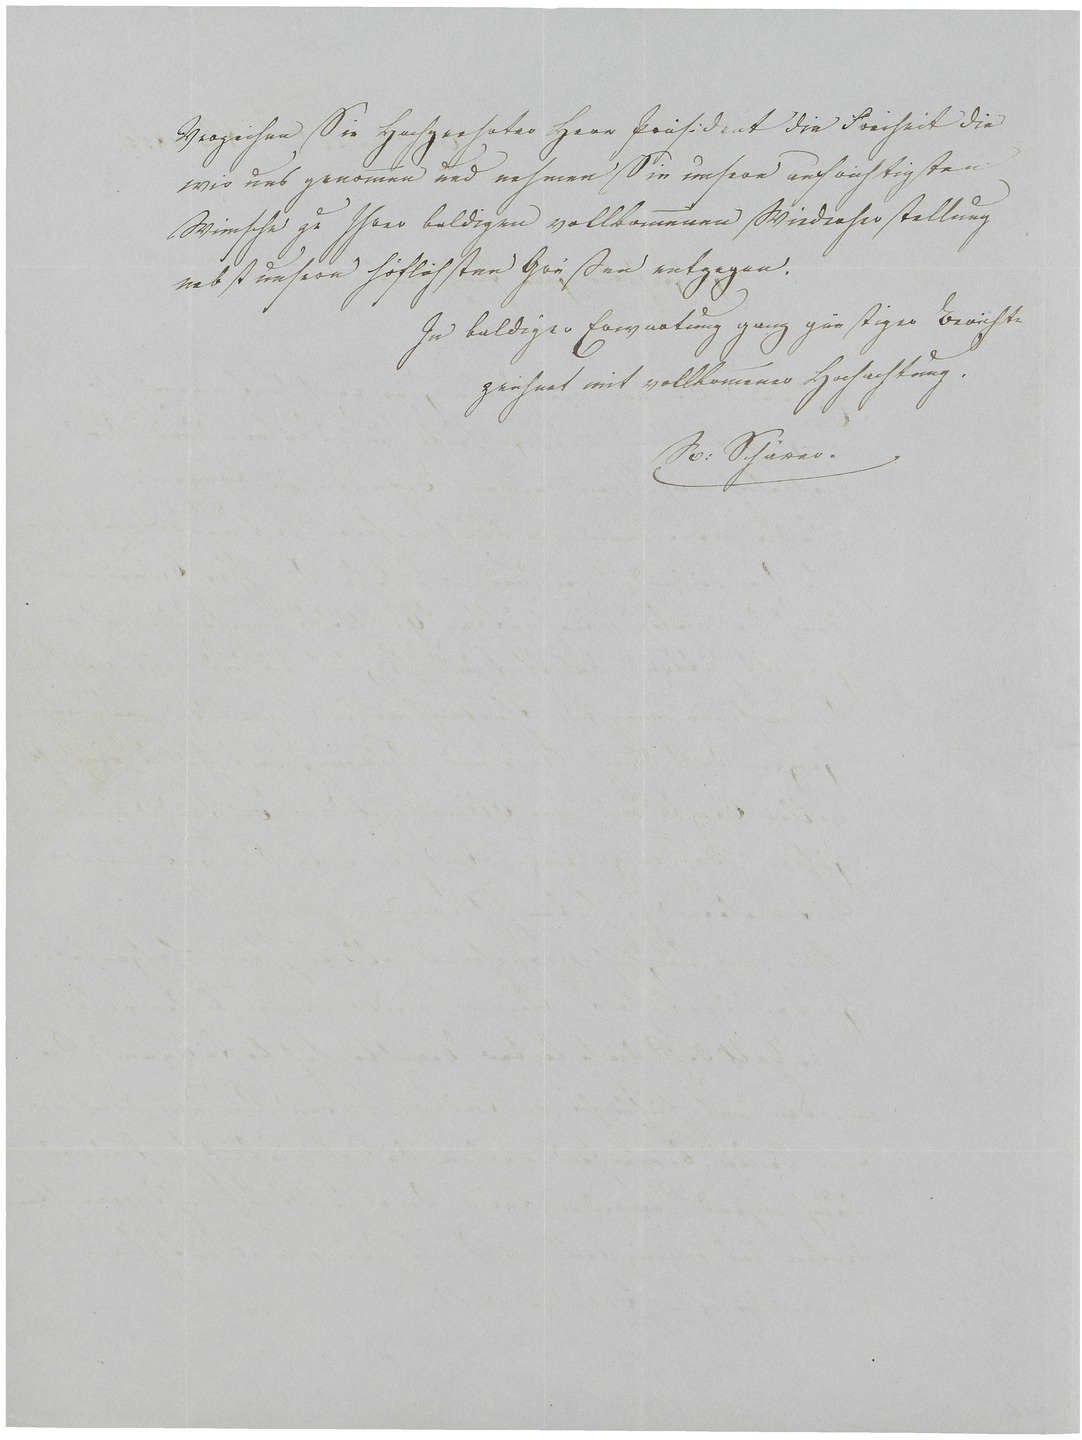Verzeihen Sie Hochgeehrter Herr Präsident die Freiheit die
wir uns genommen und nehmen Sie unsere aufrichtigsten
Wünsche zu Ihrer baldigen vollkommenen Wiederherstellung
nebst unsern höflichsten Grüßen entgegen.
In baldiger Erwartung ganz günstiger Berichte
zeichnet mit vollkommener Hochachtung
R: Schärer.